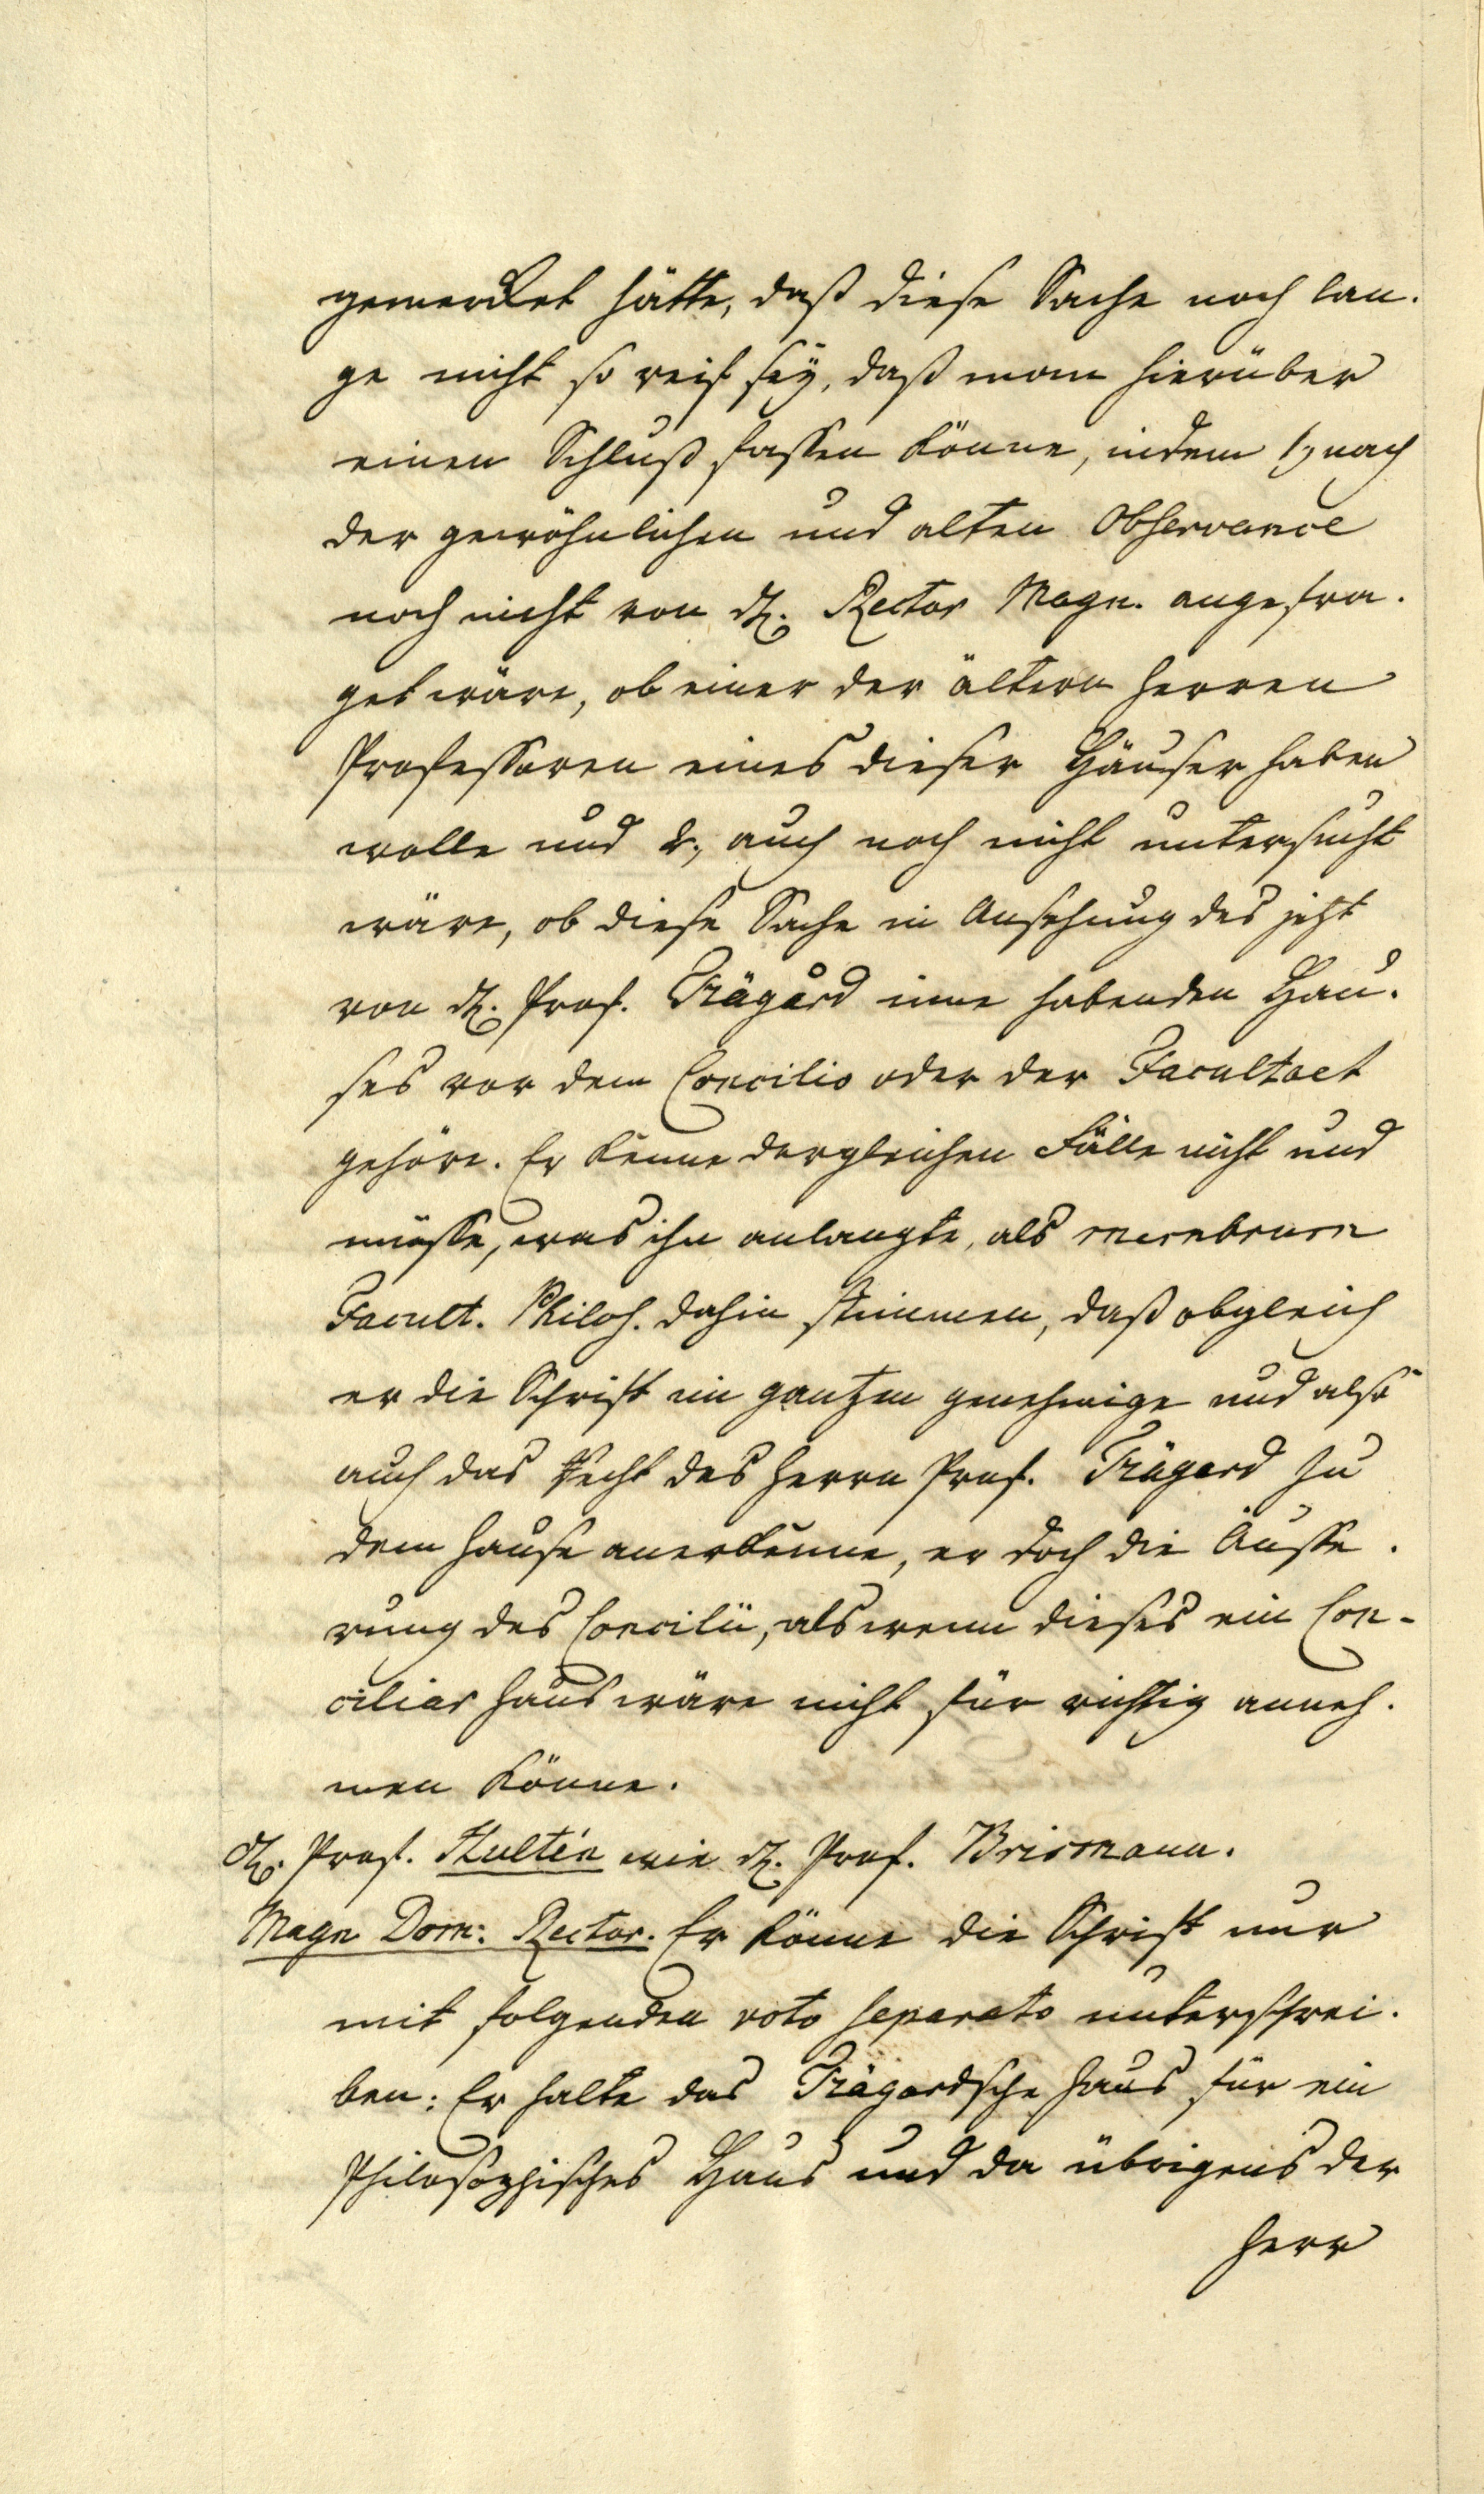gemercket hätte, daß diese Sache noch lan¬
ge nicht so reif seÿ, daß man hierüber
einen Schluß fassen könne, indem 1., nach
der gewöhnlichen und alten Observance
noch nicht von dh. Rector Magn. angefra¬
get wäre, ob einer der ältern Herren
Professoren eines dieser Häuser haben
wolle und 2., auch noch nicht untersucht
wäre, ob diese Sache in Ansehung des jetzt
von dh. Prof. Trägård inne habenden Hau¬
ses vor dem Concilio oder der Facultaet
gehöre. Er kenne dergleichen Fälle nicht und
müsse, was ihn anlangte, als membrum
Facult. Philos. dahin stimmen, daß obgleich
er die Schrift im gantzen genehmige und also
auch das Recht des Herrn Prof. Trägård zu
dem Hause anerkenne, er doch die Äusse¬
rung des Concilii, als wenn dieses ein Con¬
ciliar Haus wäre nicht für richtig anneh
men könne.
dh. Prof. Hultén wie dh. Prof. Brismann.
Magn Dom. Rector Er könne die Schrift nur
mit folgenden voto separato unterschrei¬
ben: Er halte das Trägårdsche Haus für ein
Philosophisches Haus und da übrigens der
Herr